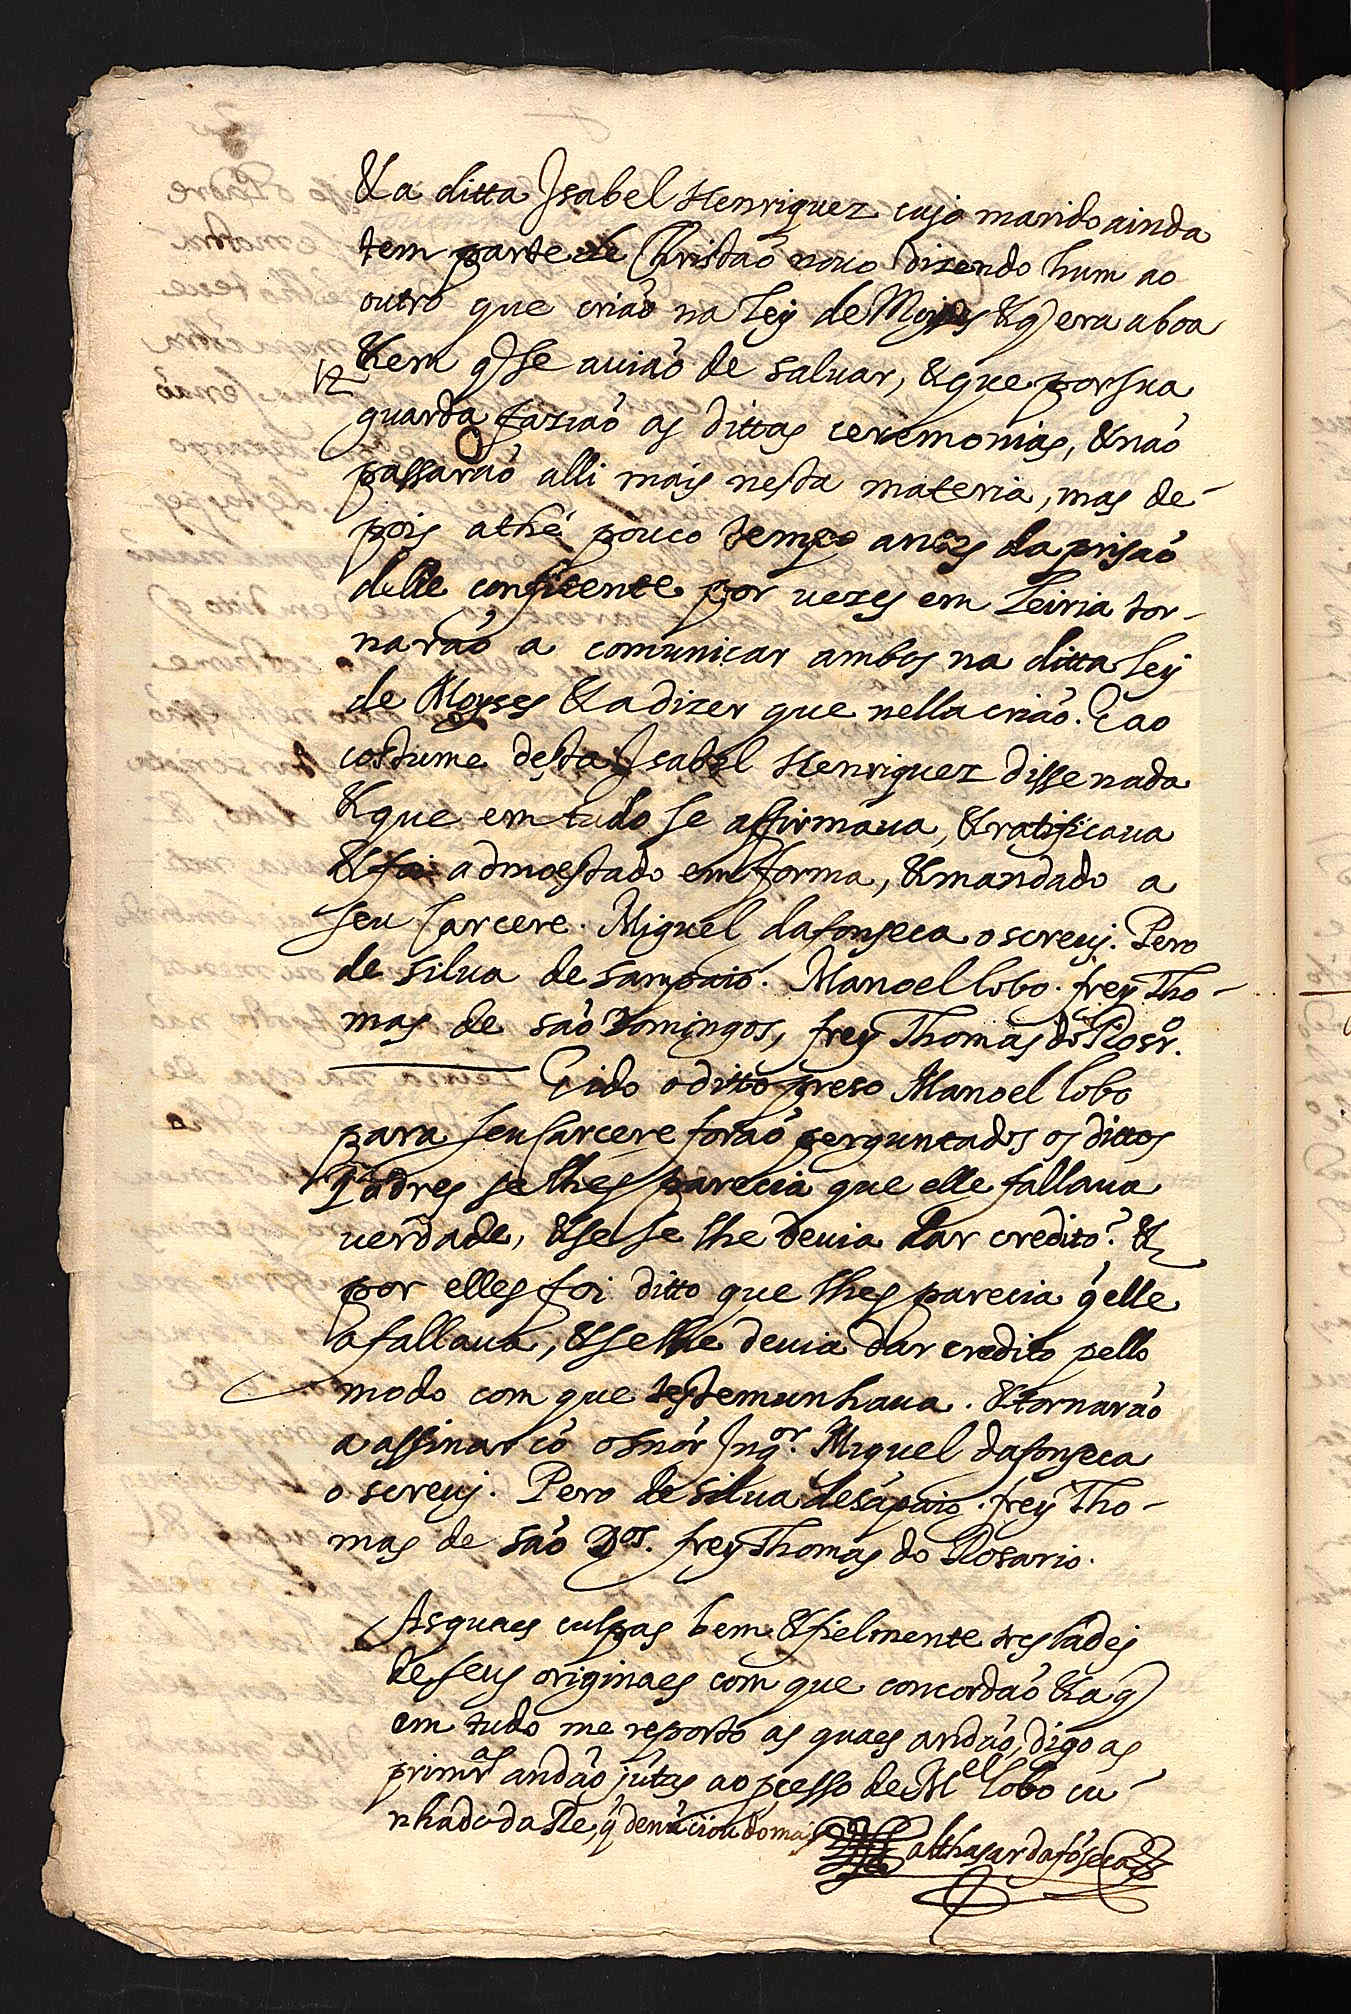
& a ditta Jsabel Henriquez cujo marido ainda
tem parte de Christaõ nouo dizendo hum ao
outro que criaõ na Ley de Moyses & q̄ era a boa
& em q̄ se auiaõ de saluar, & que por sua
guarda faziaõ as dittas ceremonias, & naõ
passaraõ alli mais nesta materia, mas de
pois athé pouco tempo antes da prisaõ
delle confitente por uezes em Leiria tor
naraõ a comunicar ambos na ditta Ley
de Moyses & a dizer que nella criaõ. E ao
costume desta Jsabel Henriquez disse nada
& que em tudo se affirmaua, & ratificaua
& foi admoestado em forma, & mandado a
seu Carcere. Miguel da fonseca o screuj. Pero
de Silua de Sampaio. Manoel lobo, frey Tho
mas de saõ Domingos, frey Thomas do Rosro.
E ido o ditto preso Manoel lobo
para seu Carçere foraõ perguntados os dittos
Padres se lhes parecia que elle fallaua
uerdade, & se se lhe deuia dar credito? &
por elles foi ditto que lhes parecia q̄ elle
a fallaua, & se lhe deuia dar credito pello
modo com que testemunhaua. & tornaraõ
a assinar cō o Snor̄ Jnqor. Miguel da fonseca
o screuj. Pero de Silua de sāpaio. frey Tho
mas de Saõ Dos. frey Thomas do Rosario.
As quaes culpas bem & fielmente tresladej
de seus originaes com que concordaõ & a q̄
em tudo me reporto as quaes andaõ, digo as
primras andão jūtas ao ꝓçesso de Mel lobo cu
nhado da Re, q̄ denūciou do mais
